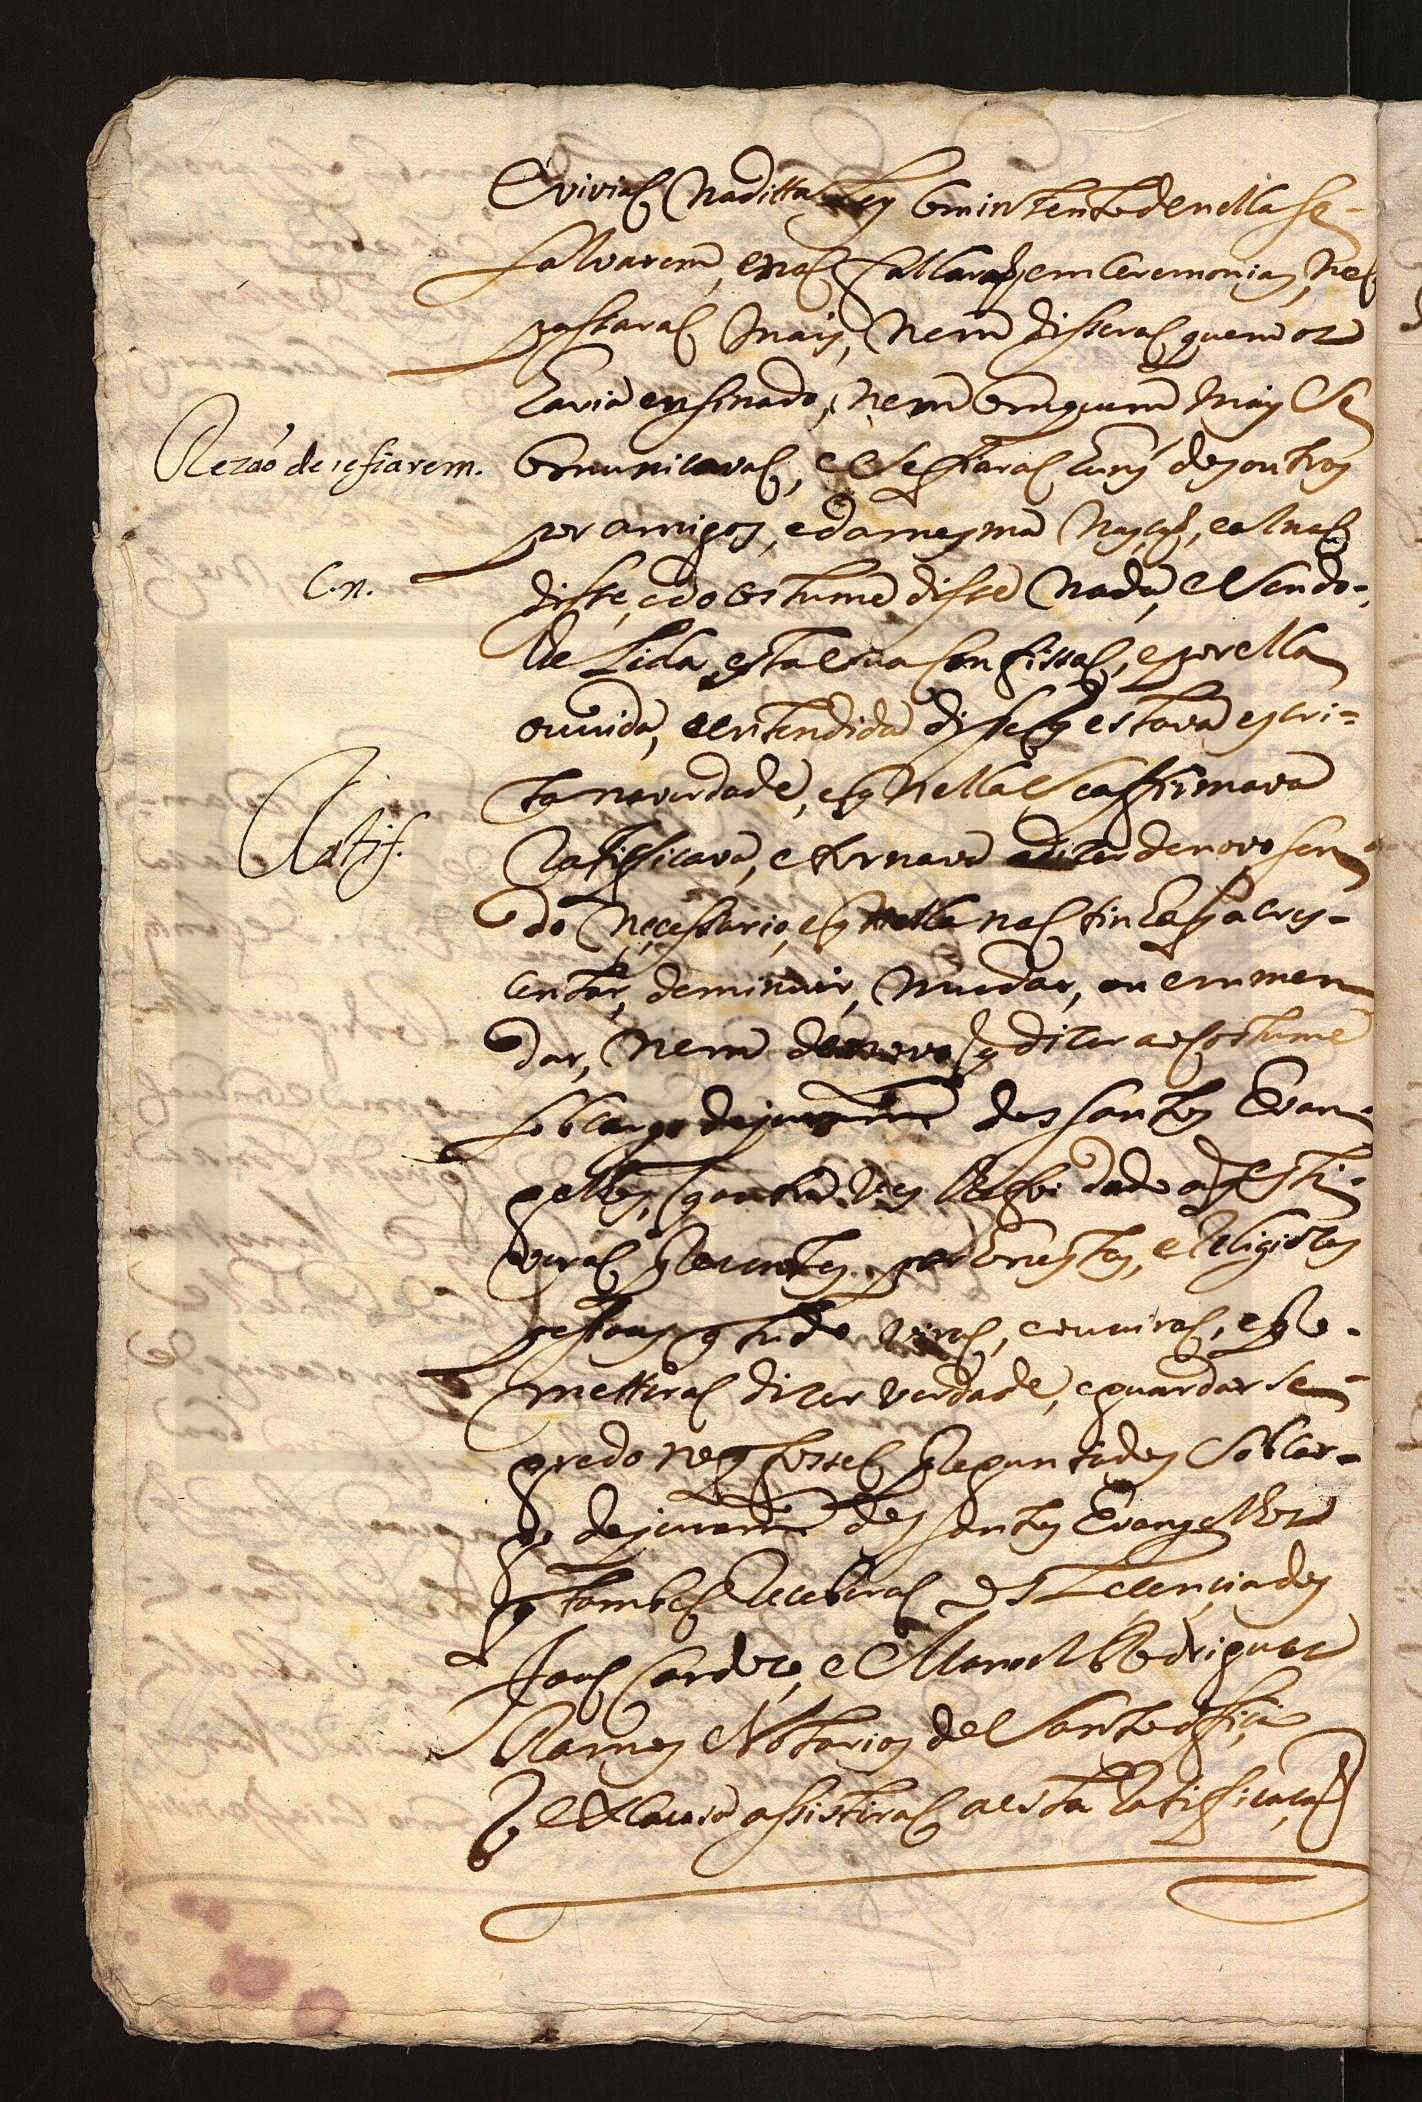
E viviaõ na ditta Ley Com intento de nella se
salvarem, e naõ fallaraõ em ceremonias, nē
passaraõ mais, nem disseraõ quem os
havia ensinado, nem Com quem mais Se
Rezaõ de se fiarem.
Comunicavaõ, e se fiaraõ huns̄ dos outros
por amigos, e da mesma Nasçaõ, e al naõ
C.n.
disse, e do costume disse nada, e Sendo
lhe Lida esta sua Confissaõ, e por ella
ouuida, e entendida dise q̄ estava escri
ta na verdade, e q̄ nella Se affirmava
Ratificava, e tornava a dizer de novo sen
Ratif.
do necessario, e q̄ nella naõ tinha q̄ acres
centar, deminuir, mundar, ou emmen
dar, nem de novo q̄ dizer ao Costume
sob cargo do juramto dos santos Evan
gelhos, q̄ outra ves lhe foi dado a q̄ esti
veraõ pRezentes por honestas, e Religiozas
pessoas q̄ tudo viraõ, e ouuiraõ, e pRo
metteraõ dizer verdade, e guardar se
gredo no q̄ fossē pReguntados sob car
do do juramto dos santos Evangelhos
q̄ tambē Receberaõ os Lecenciados
Joaõ Cardozo, e Manoel Rodriguez
Ramos Notarios do Santo officio
q̄ Excausa assistiraõ a esta Ratificaçaõ
